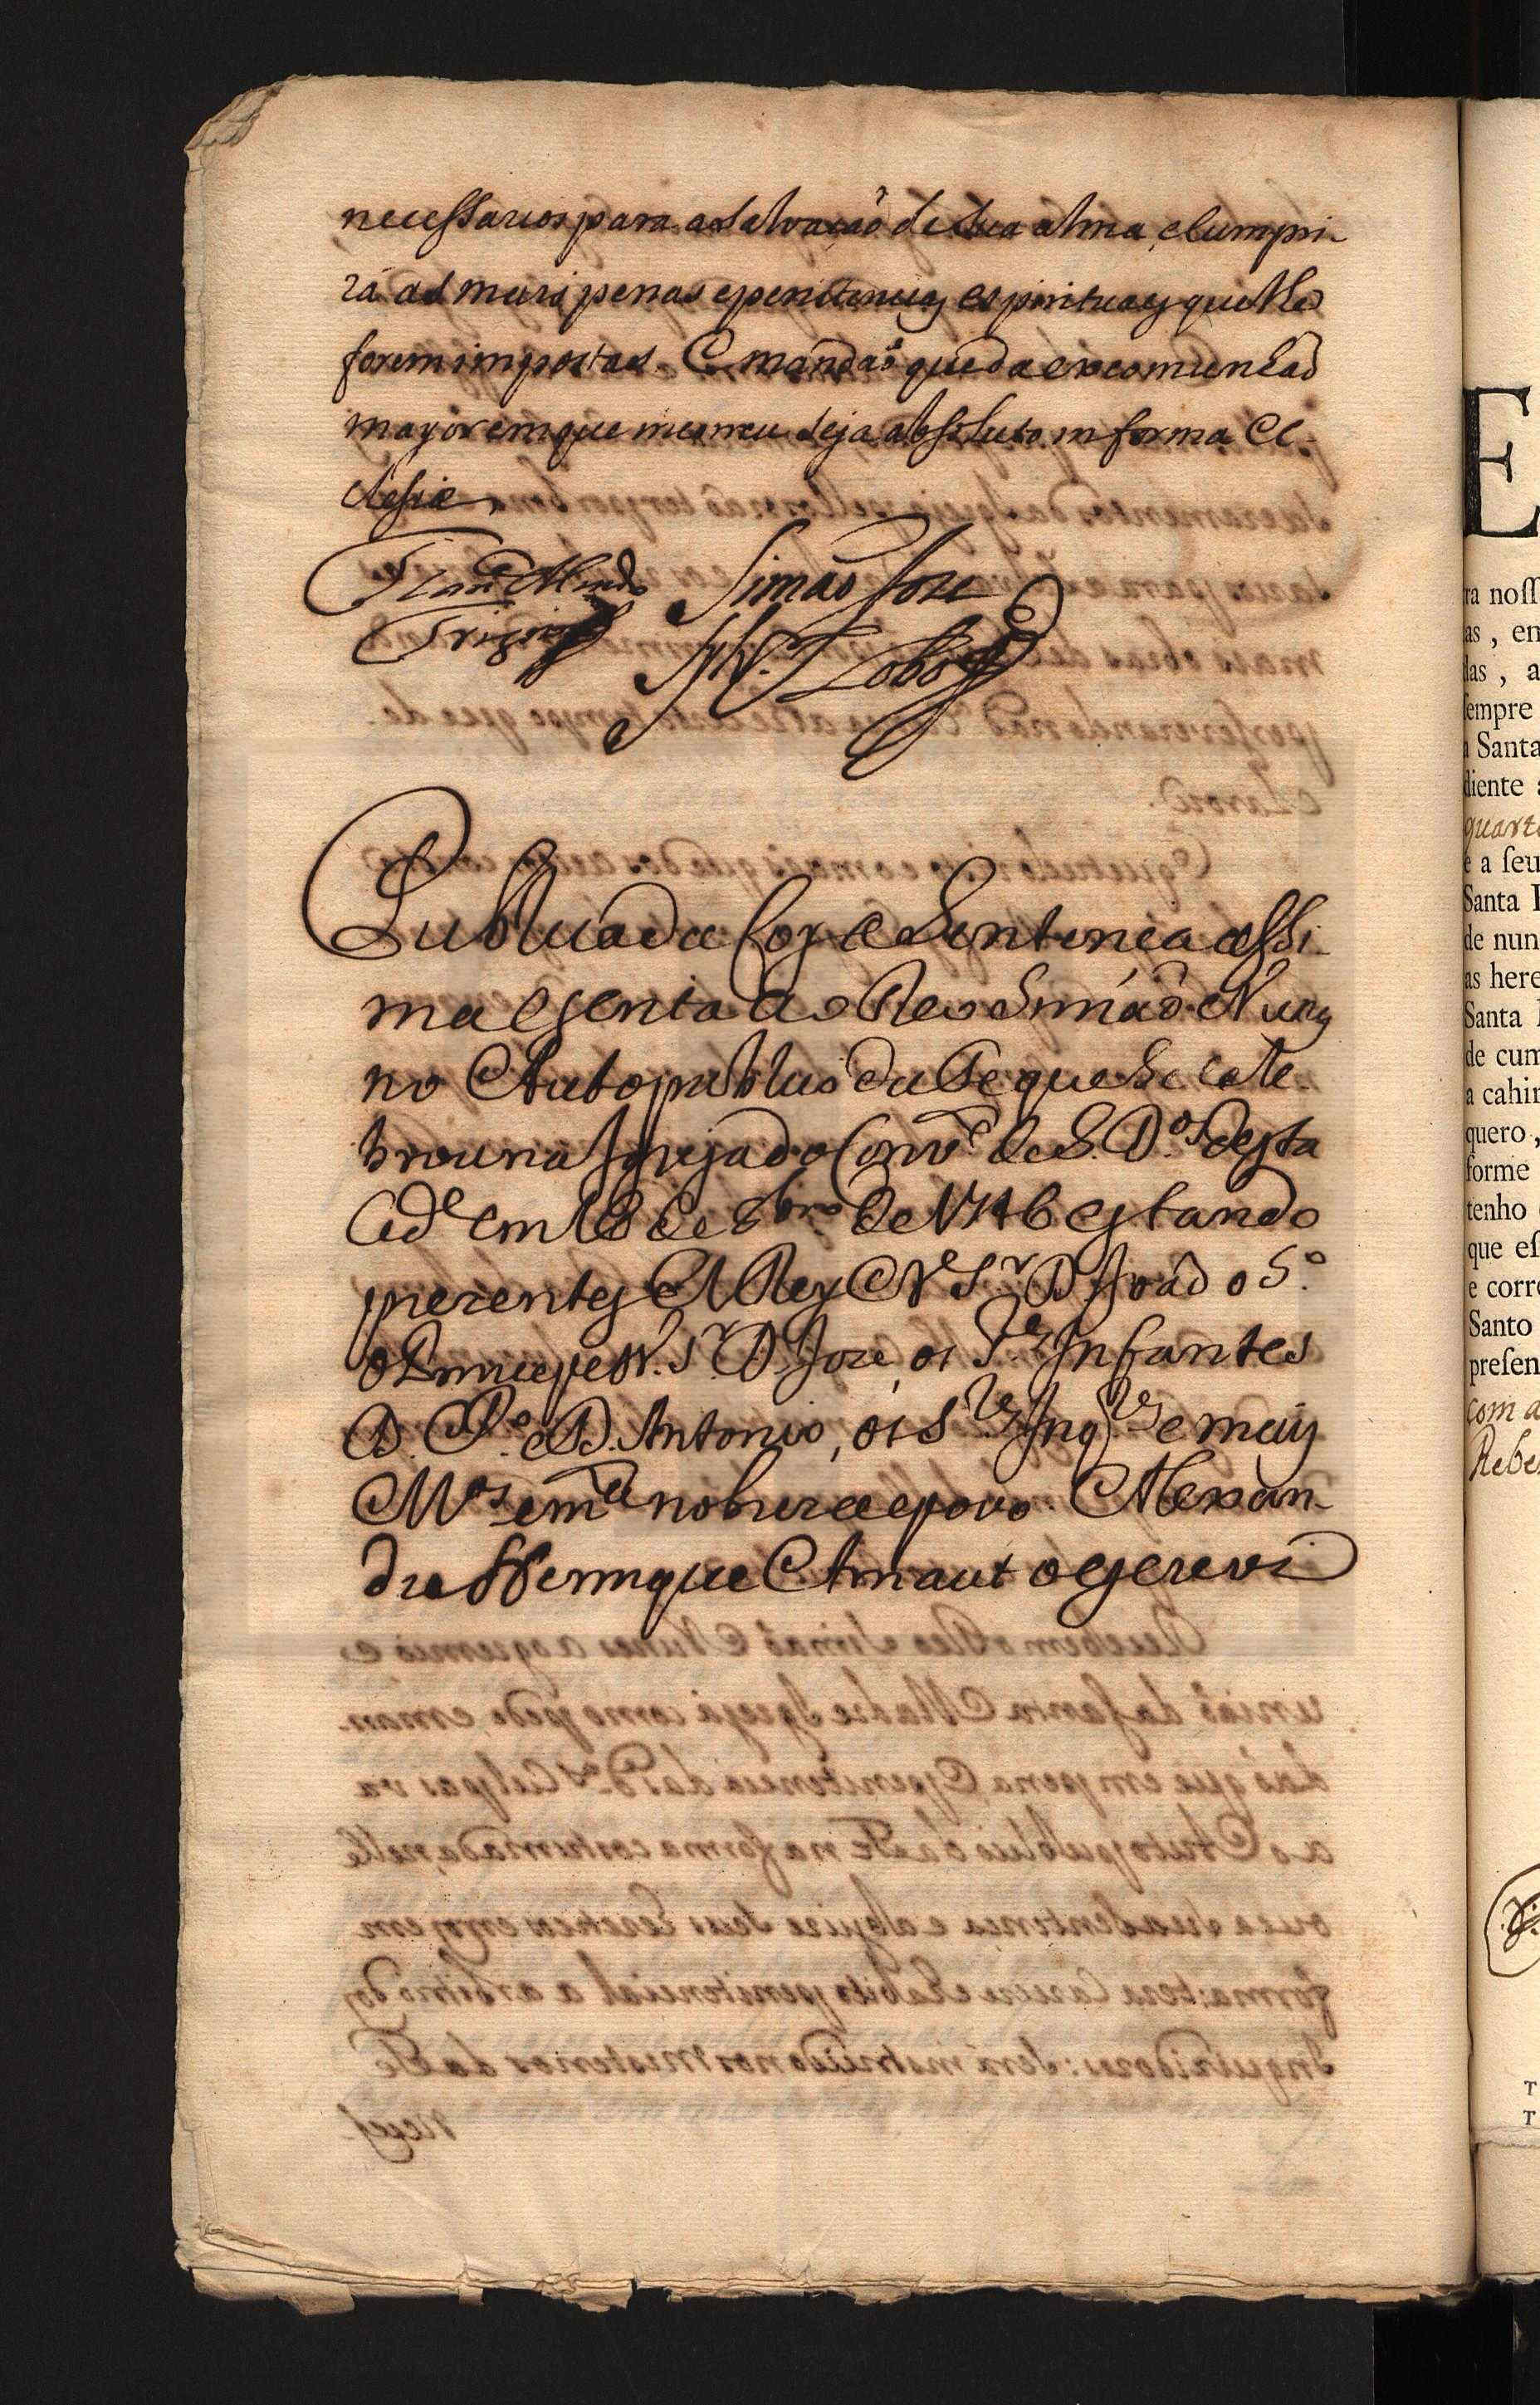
necessarios para a salvaçaõ de sua alma, e cumpri
rá as mais penas e penitencias espirituaes que lhe
forem impostas E mandaõ que da excomunhaõ
mayor em que incorreu seja absoluto in forma ec
clesiæ
Fran.co Mendo
Trigozo
Simaõ Joze
sylv.ra Lobo
Publicada foy a Sentença assi
ma escrita ao Reo Simaõ Nunes
no Auto publico da Fe que Se cele
brou na Jgreja do Conv.to de S. D.os desta
Cide em 10 de 8bro de 1746 estando
prezentes El Rey N S.r D Joaõ o 5.o
o Principe n. sr. D. Joze, os S.res Jnfantes
D. P.o e D.Antonio, os s.res Jnq.res e mais
Mos e mta nobreza e povo Alexan
dre Henrique Arnaut o escrevi
